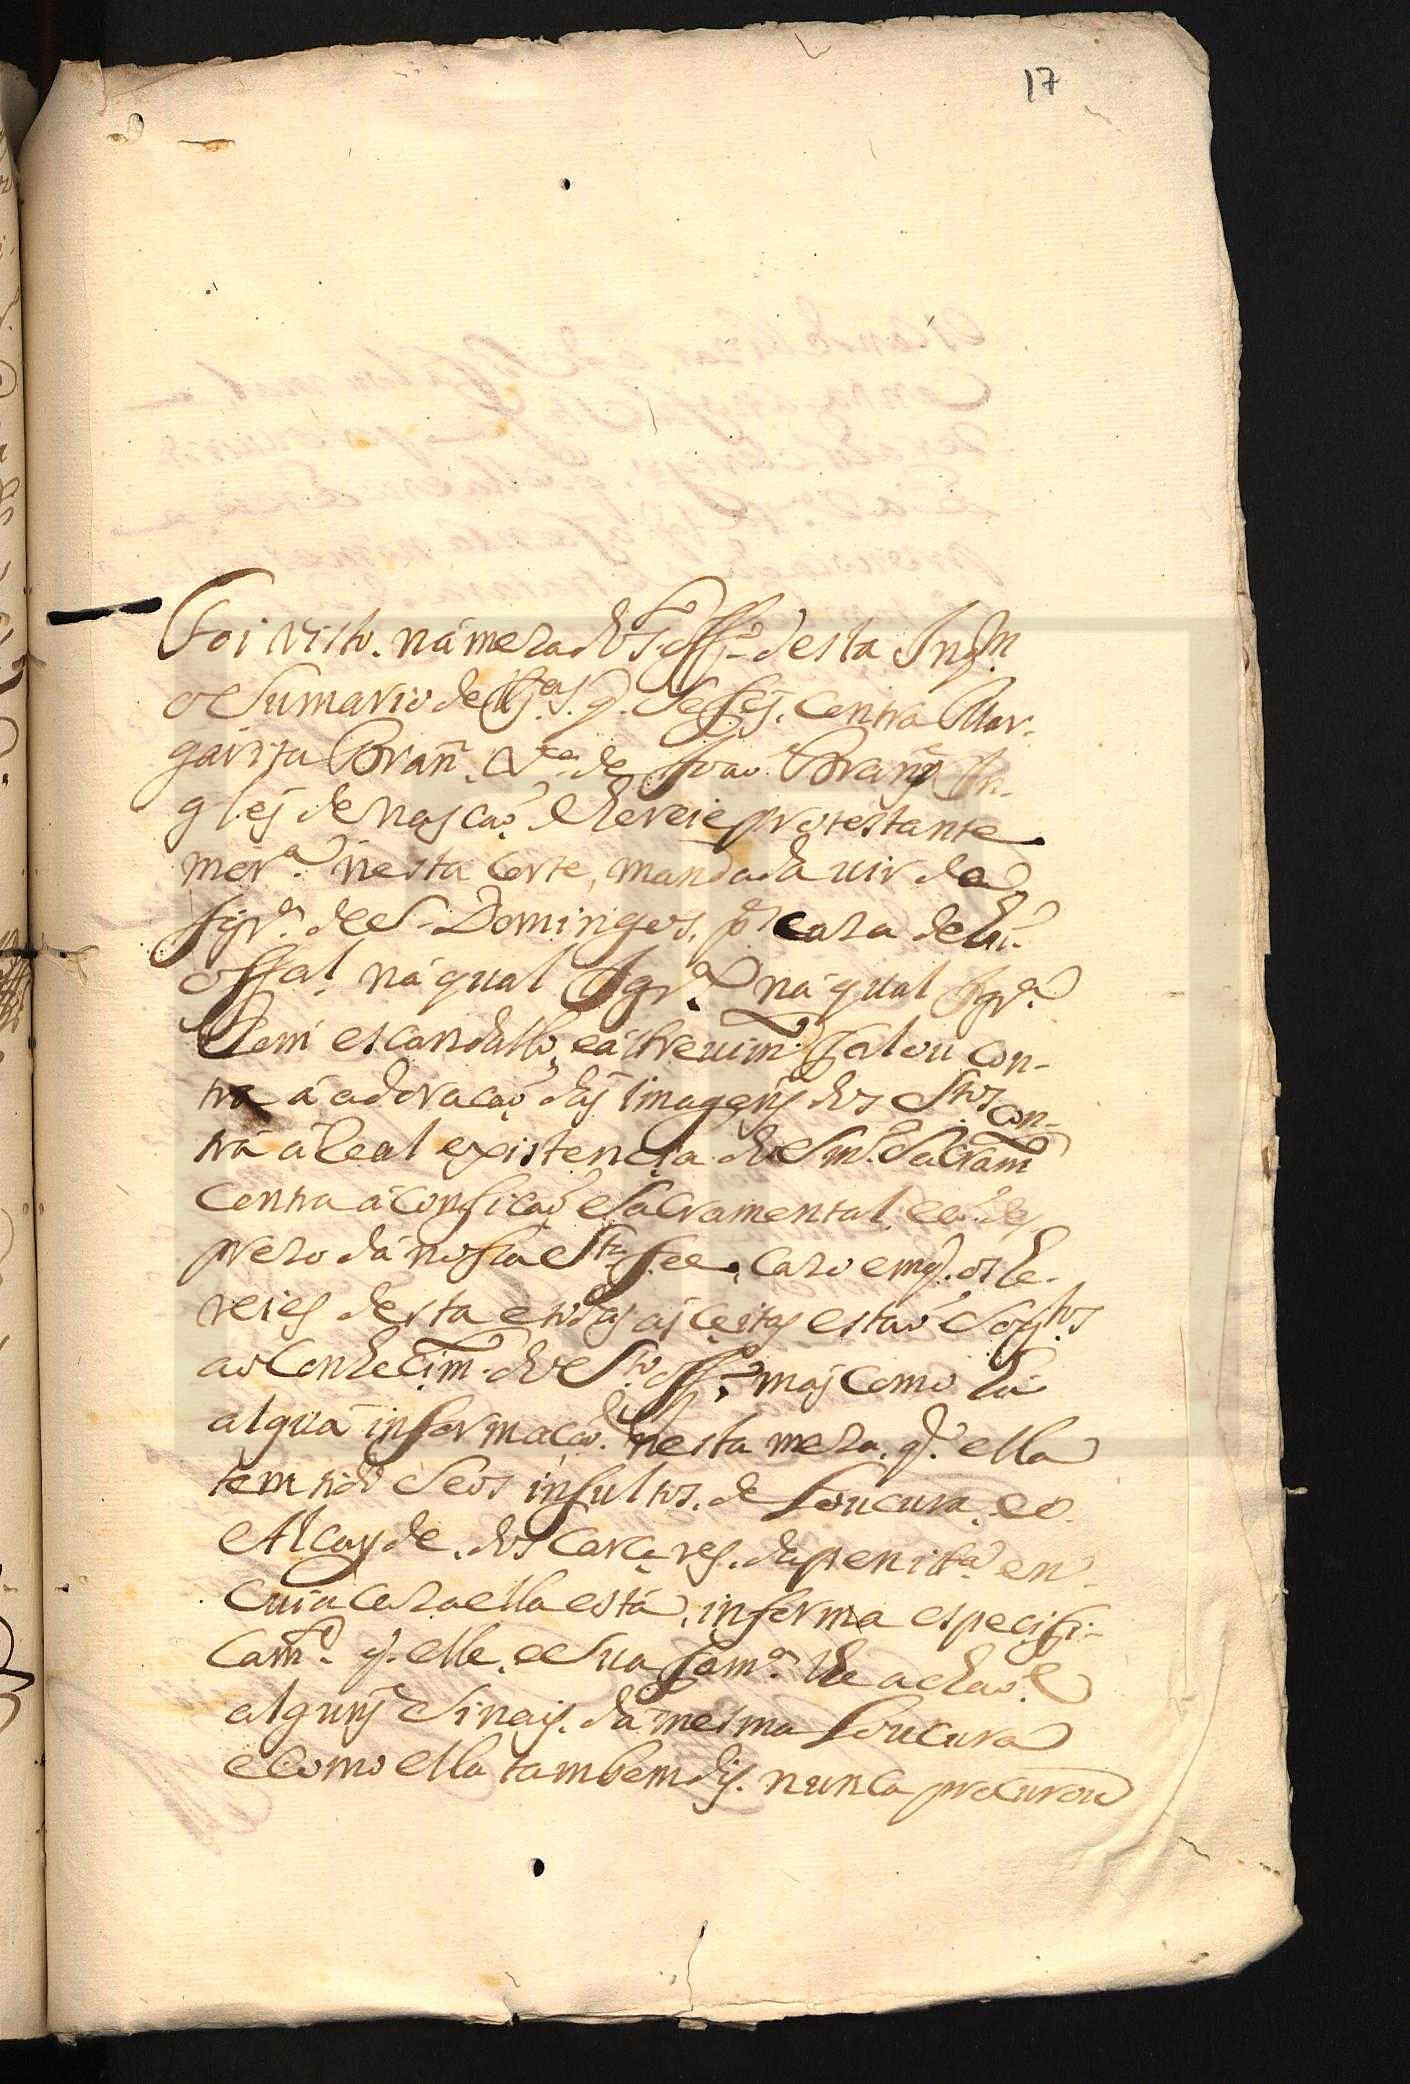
Foi visto. na meza do s.t off.o desta Inq.m
o Sumario de tt.as. q̄. se fes. contra Mar
garita Bran̄ v.a de Joaõ Bran̄s In
glés de nasçaõ e hereie protestante
mor.a nesta corte, mandada uir da
Igr.a de S. Domingos, p̄ caza de hū
offal. na qual Jgr.a na qual Igr.a
Com escandallo, e attreuimto. falou con
tra á adoraçaõ das Imagen̄s dos S.tos con
tra a Real existencia do Sm.o Sacramto
contra á confiçaõ Sacramental e á des
prezo da nossa S.ta fee, cazo em q̄ os he
reies desta e todas as ceitas estaõ sog.tos
ao conhecim.to do S.to off.o mas como há
alguā informaçaõ nesta meza, q̄ ella
tem tido seos insultos de Loucura e o
Alcayde dos Carceres da penitt.a en
Cuia caza ella está, inferma especifi
Cam.te q̄ elle, e sua fam.a lhe achaõ
alguns sinais da mesma Loucura
e como ella tambem dis. nunca procurou
